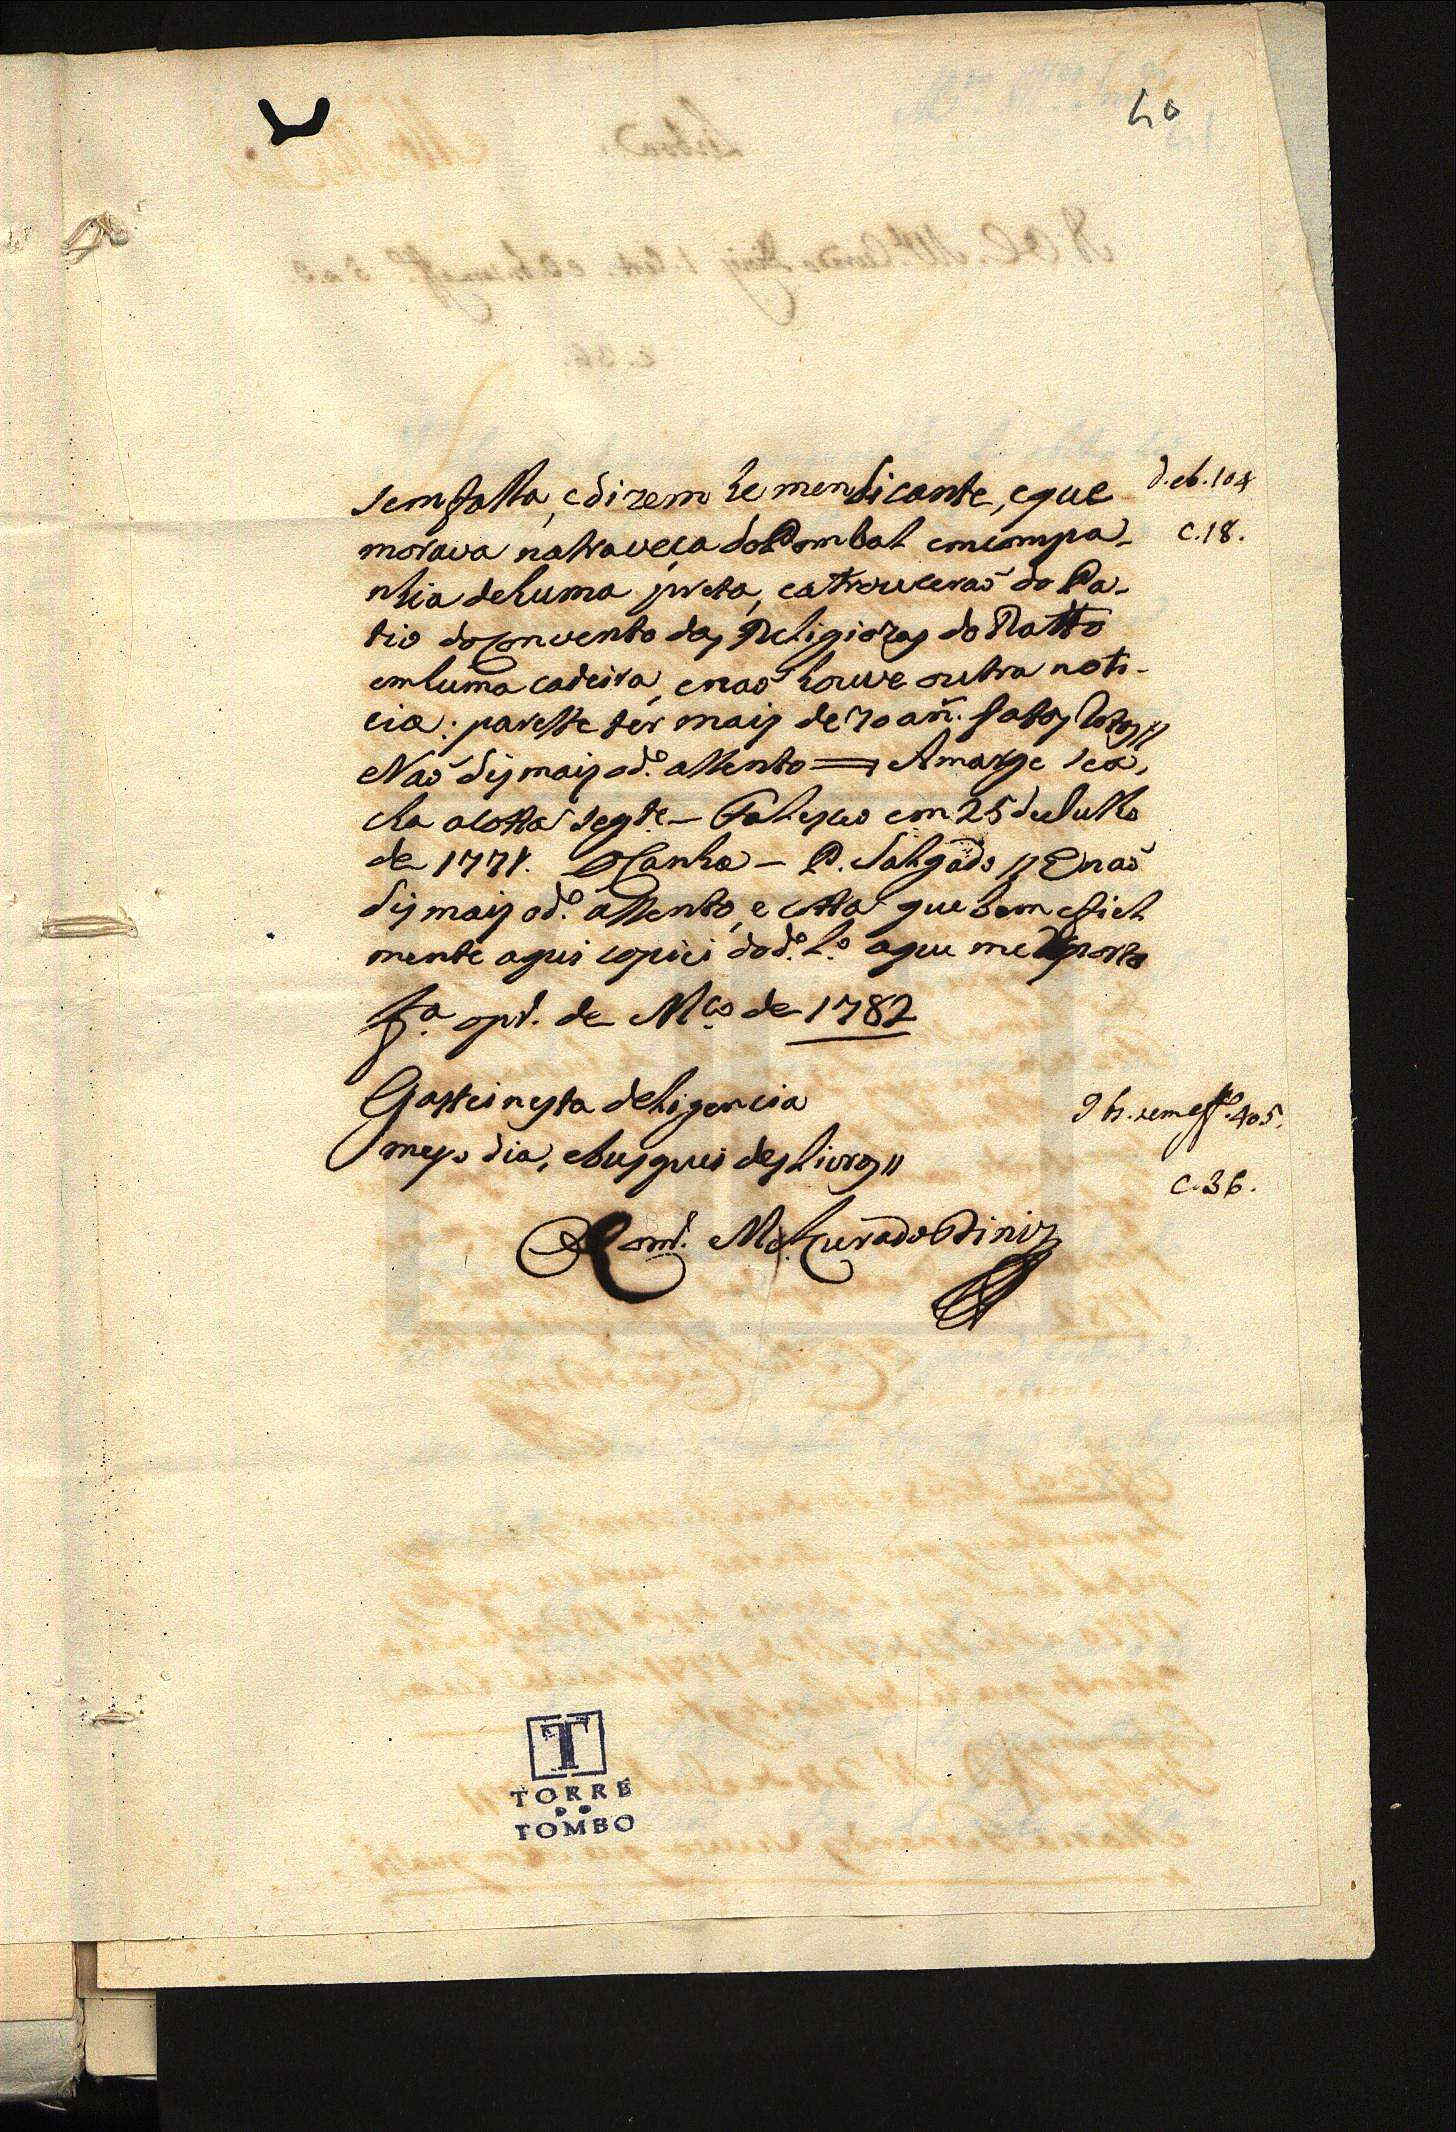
d. eb.104
c.18.
9 bs. sem eff.o 405.
c.36.
sem falta, e dizem he mendicante, e que
morava na traveça do Pombal em compa
nhia de huma preta, e a trouceraõ do Pa
tio do Convento das Religiozas do Ratto
em huma cadeira, e naõ houve outra noti
cia: paresse ter mais de 70 an̄. fatos Rotos //
Naõ dis mais o d.o assento= A marge se a,
cha a cotta seg.te = Falesceo em 25 de Iulho
de 1771. O Canha = P. Salgado // E naõ
dis mais o d.o assento, e cotta que bem e fiel
mente aqui copiei do d.o L.o a que me _porto
Lx.a o pr.o de M.co de 1782
Gastei nesta deligencia
meyo dia, e busquei des Livros //
O Com.o M.el Curado Diniz
